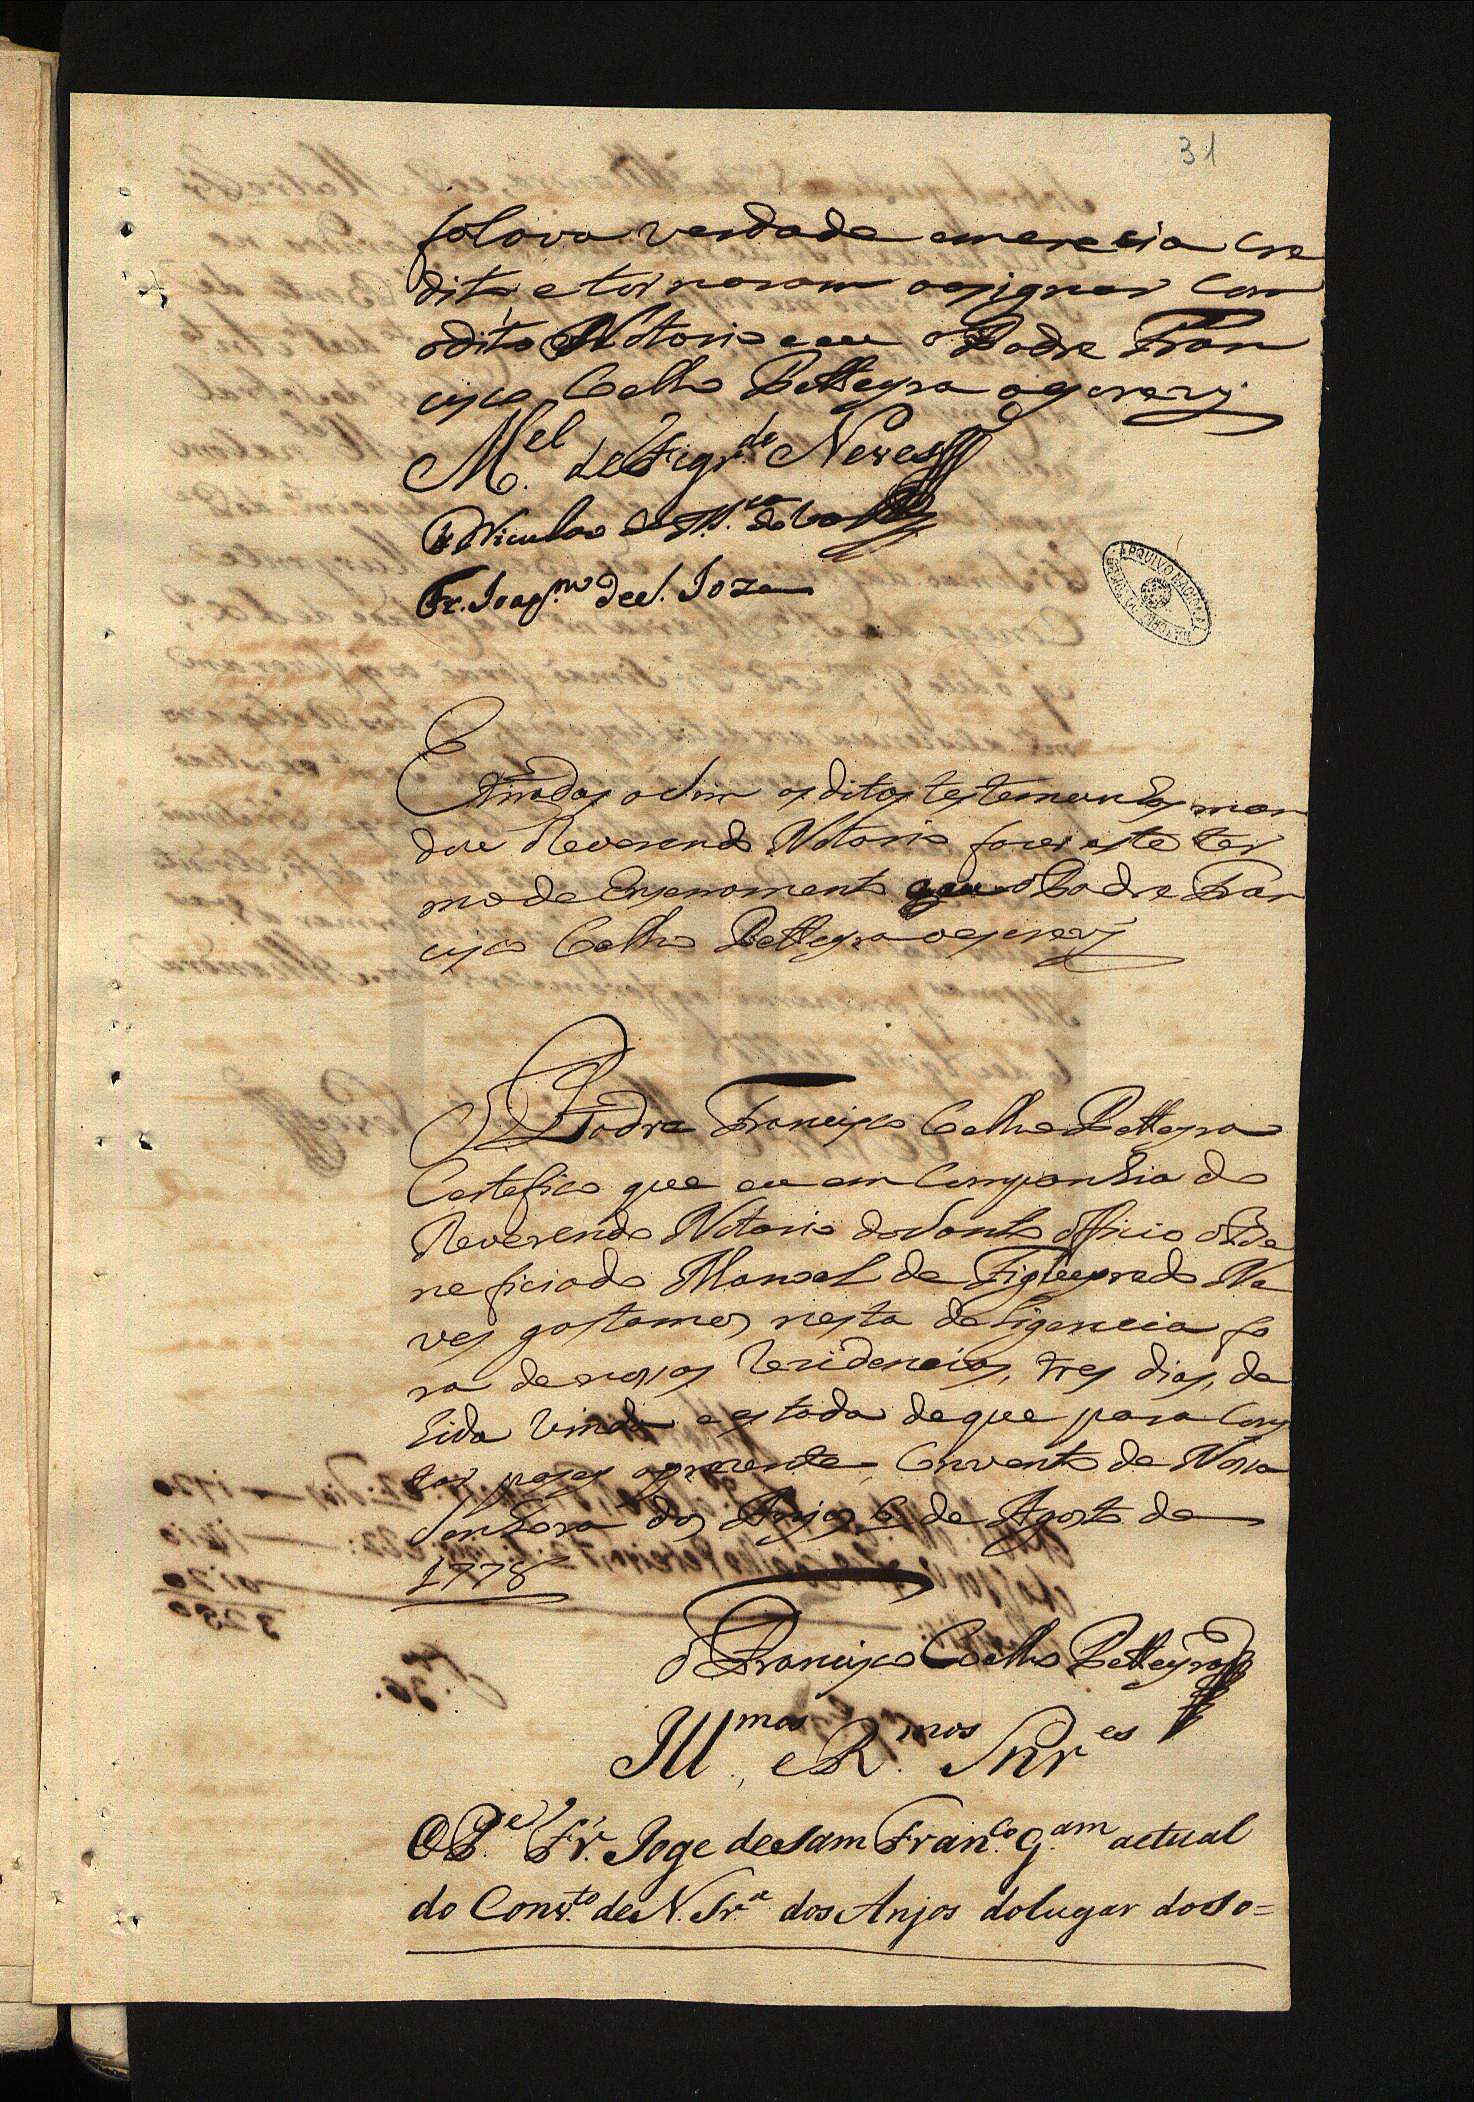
falava verdade e merecia cre
dito e tornaram a asignar com
o dito Notario e eu o Padre Fran
cisco Coelho Petteyra o escrevy
M.el de Figr.de Neves
Fr Niculao de Ns.ra do Va
Fr. Ioaq.m de S. Ioze
E assinados aSim os ditos testemunhos man
dou Reverendo Notario fazer este ter
mo de Enserramento e eu o Padre Fran
cisco Coelho Petteyra o escrevj
O Padre Francisco Coelho Petteyra
Certefico que eu em companhia do
Reverendo Notario do Santo officio o Be
neficiado Manoel de Figueyredo Ne
ves gastamos nesta deligencia fo
ra de nossas Rezidencias, tres dias, de
hida vinda e estada de que para cons
tar, pasey o prezente, Convento de Nossa
Senhora dos Anjos 6 de Agosto de
1778
o Francisco Coelho Petteyra
Ill.mos e R.mos Snr.es
O P.e Fr. Ioge de Sam Fran.co G.am actual
do Conv.to de N. Sr.a dos Anjos do lugar do so
